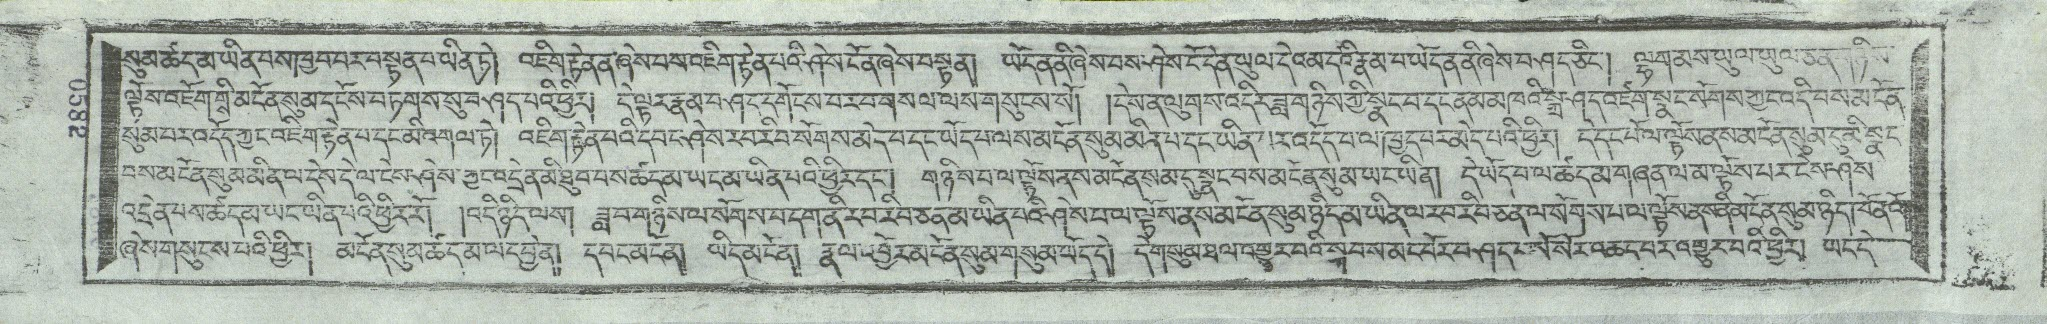སུམ་ཚད་མ་ཡིན་པས་ཁྱབ་པར་བསྟན་པ་ཡིན་ཏེ། འཇིག་རྟེན་ན་ཞེས་པས་འཇིག་རྟེན་པའི་ཤེས་ངོ་ན་ཞེས་བསྟན། ཡོད་ན་ནི་ཞེས་པས་ཤེས་ངོ་དེ་ན་ཡུལ་དེའམ་དེའི་རྣམ་པ་ཡོད་ན་ནི་ཞེས་བཤད་ཅིང་། ལྷག་མ་ཡུལ་ཡུལ་ཅན་གཉིས་
ལྟོས་འཇོག་གིས་མངོན་སུམ་དངོས་བཏགས་སུ་བཤད་པའི་ཕྱིར། དེ་ལྟར་རྣམ་བཤད་དགོངས་པ་རབ་གསལ་ལས་གསུངས་སོ། །དེས་ན་ལུགས་འདིར་ཟླ་གཉིས་ཀྱི་སྣང་བ་དང་ནམ་མཁའི་སྐྲ་ཤད་འཛག་སྣང་སོགས་ཀྱང་འདི་བས་མངོན་
སུམ་བར་འདོད་ཀྱང་འཇིག་རྟེན་པ་དང་མི་འགལ་ཏེ། འཇིག་རྟེན་པའི་དབང་ཤེས་རབ་རིབ་སོགས་མེད་པ་དང་ཡོད་པ་ལས་མངོན་སུམ་མིན་པ་དང་ཡིན་པར་འདོད་པ་ལ་ཁྱད་པར་མེད་པའི་ཕྱིར། དེ་དང་པོ་ལ་ལྟོས་ནས་མངོན་སུམ་དུ་མི་སྣང་
བས་མངོན་སུམ་མིན་ལ་ངེས་དེ་ལ་ངེས་ཤེས་ཀྱང་འདྲེན་མི་ཐུབ་པས་ཚད་མ་ཡང་མ་ཡིན་པའི་ཕྱིར་དང་། གཉིས་པ་ལ་ལྟོས་ནས་མངོན་སུམ་དུ་སྣང་བས་མངོན་སུམ་ཡང་ཡིན། དེ་ཡོད་པ་ལ་ཚད་མ་གཞན་ལ་མ་ལྟོས་པར་ངེས་ཤེས་
འདྲེན་པས་ཚད་མ་ཡང་ཡིན་པའི་ཕྱིར་རོ། །འདི་ཉིད་ལས། ཟླ་བ་གཉིས་ལ་སོགས་པ་དག་ནི་རབ་རིབ་ཅན་མ་ཡིན་པའི་ཤེས་པ་ལ་ལྟོས་ནས་མངོན་སུམ་ཉིད་མ་ཡིན་ལ་རབ་རིབ་ཅན་ལ་སོགས་པ་ལ་ལྟོས་ནས་ནི་མངོན་སུམ་ཉིད་ཁོ་ནའོ།
ཞེས་གསུངས་པའི་ཕྱིར། མངོན་སུམ་ཚད་མ་ལ་དབྱེ་ན། དབང་མངོན། ཡིད་མངོན། རྣལ་འབྱོར་མངོན་སུམ་གསུམ་ཡོད་དེ། དེ་གསུམ་ཐལ་འགྱུར་བའི་སྐབས་མང་པོར་བཤད་པ་སོ་སོར་འཆད་པར་འགྱུར་བའི་ཕྱིར། ཡང་དེ་